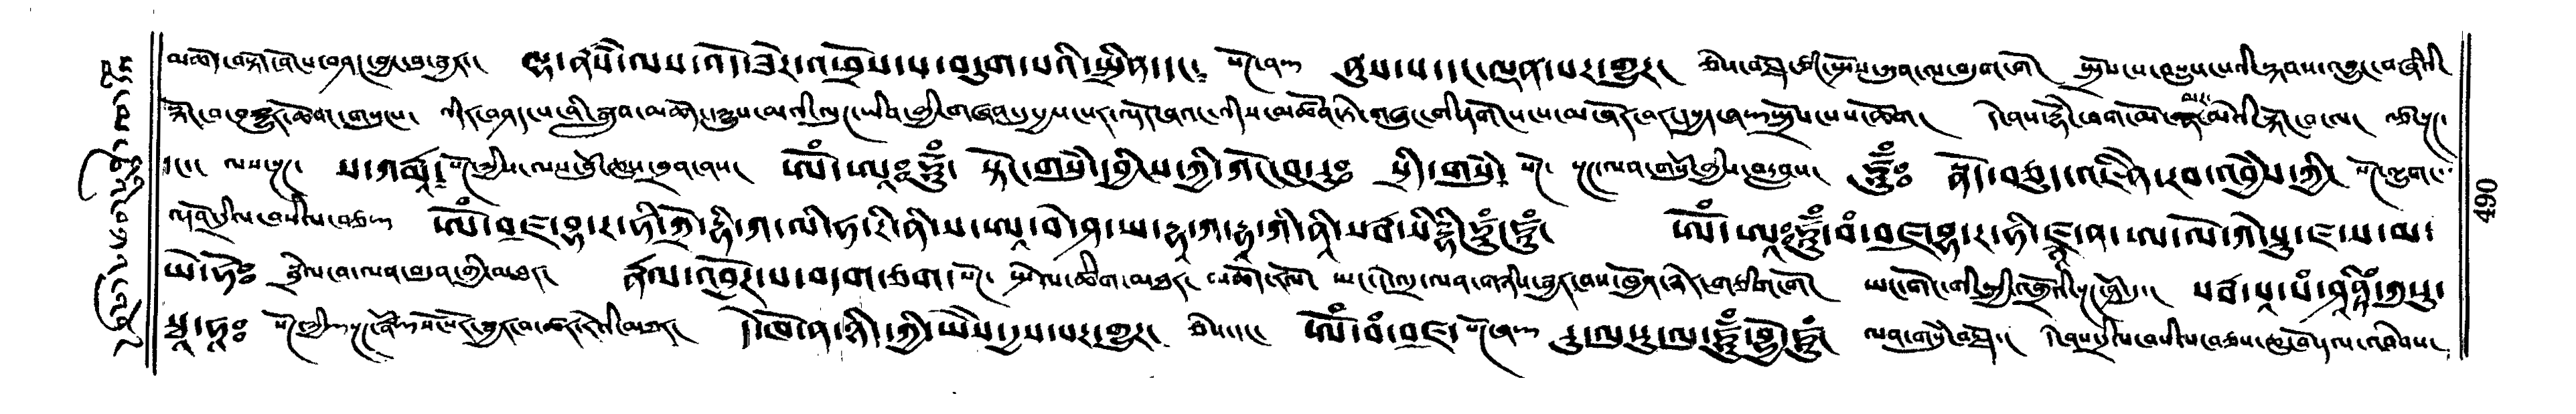མཆོད་བསྟོད་ནོངས་བཤགས་བྱང་བུ་སྦྱར། ལྷ་རྣམས་ལས་འོད་ཟེར་འཕྲོས་པ་བདུག་པའི་སྤྲིན་དང༴ སོགས་ནས། ནུས་པ་དང་ལྡན་པར་གྱུར༔ ཅེས་བརྗོད་ཅིང་སྤོས་ཀུན་ལ་བདུག་གོ སྤྲོས་པ་བསྡུས་པའི་སྐབས་འབྱུང་བཞིའི་
སྐོང་བ་བསྒྱུར་ཆོག་གསུངས། འདིར་བཤད་པ་ནི་སྒྲུབ་མཆོད་དཀྱུས་མའི་ལུགས་ཡིན་གྱི་གཞན་དུ་རྒྱས་པར་འདོད་ནའང་འདིས་མཚོན་ཏེ་གཞུང་གི་དགོངས་པ་མ་ནོར་བར་དཔྱད་ནས་སྤྲོས་པས་ཆོག དེ་ནས་རྡོ་རྗེ་ཕག་མོ་མར་མེའི་སྐོང་བ་ལ།རྩ་སྔགས་
དང་། ལས་སྔགས། ས་ཀརྨཱ༴ སོགས་ཀྱིས་ལས་བུམ་ཆུས་བྲན་ནས། ཨོཾ་ཨཱཿཧཱུྃ༔ སྟོང་གསུམ་དབྱིངས་ཀྱི་ཀོང་བུ་རུ༔ སྲིད་གསུམ༴ སོགས། སྔགས་ལན་གསུམ་གྱིས་བརླབ། ཧཱུྃ༔ སྣོད་བཅུད་འཇིག་རྟེན་རབ་འབྱམས་ཀྱི༔ སོགས་ལྷུག་
འདོན་དྲིལ་བསིལ་བཅས། ཨོཾ་བཛྲ་བྷ་ར་ཧི་ཀྲོ་དྷི་ཀ་ལི་ཧ་རི་ནི་ས་ཨཱ་བེ་ཤ་ཡ་དྷཱ་ཀ་དྷཱ་ཀི་ནཱི་སརྦ་སིདྡྷི་ཧཱུྃ་ཧཱུྃ༔ ཨོཾ་ཨཱཿཧཱུྃ་བཾ་བཛྲ་བྷ་ར་ཧི་ཛྙཱ་ན་ཨ་ལོ་ཀེ་པཱུ་ཛ་ས་མ་
ཡེ་ཧོཿ སྦྲེལ་བ་ལན་བདུན་གྱི་མཐར། རྣལ་འབྱོར་པ་བདག་ཅག༴ སོགས། སྤེལ་ཚིག་མཐར། མཆོད་རོལ། ཡང་དེ་འདྲ་ལན་གཉིས་སྦྱར་བས་ཁྱོན་ཉེར་གཅིག་གོ །ཡང་གོང་གི་སྤྱི་འགྲོའི་སྔགས་གཤམ་དུ། སརྦ་པཱ་པཾ་ཤཱནྟིཾ་ཀུ་རུ་
སྭ་ཧཱ༔ སོགས་ཀྱིས་སྔགས་རྣམས་སོ་སོར་སྦྱར་བ་ཚར་རེའི་མཐར། དེ་ཁོ་ན་ཉིད་ཀྱི་ཡེ་ཤེས་རྒྱས་པར་གྱུར༔ ཅེས་དང་། ཨོཾ་བཾ་བཛྲ༴ སོགས་ནས། རུ་ལུ་རུ་ལུ་ཧཱུྃ་བྷྱོ་ཧཱུྃ༔ ལན་གསུམ་བརྗོད། དེ་ནས་དྲིལ་བསིལ་བཅས་ཆུ་བོ་དལ་འབེབས་